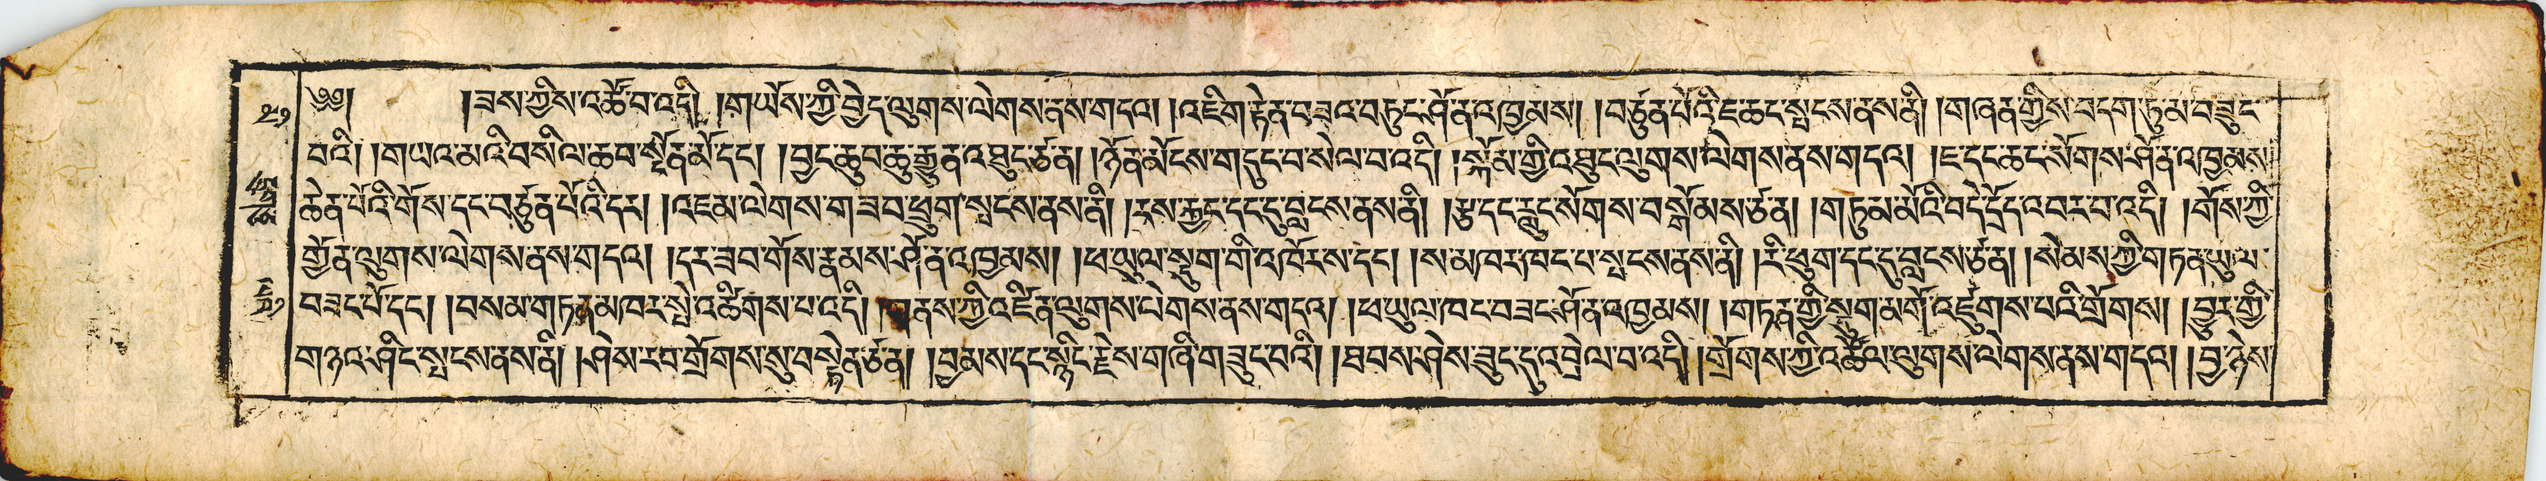ཟས་ཀྱིས་འཚོ་བ་འདི། །གཡེས་ཀྱི་བྱེད་ལུགས་ལེགས་ནས་གདའ། །འཇིག་རྟེན་བཟའ་བཏུང་ཤོན་འཁྱམས། །བཙུནཔོའི་ཇཆང་སྤངས་ནས་ནི། །གཞན་གྱིས་བདག་ཏུ་མ་བཟུང་
བའི། །གཡའ་མའི་བསིལ་ཆབ་སྔོན་མོ་དང། །བྱང་ཆུབ་ཆུ་རྒྱུན་འཐུང་ཙ་ན། །ཉོན་མོངས་གདུང་བ་སེལ་བ་འདི། །སྐོམ་གྱི་འཐུང་ལུགས་ལེགས་ནས་གདའ། །ཇ་དང་ཆང་སོགས་ཤོ་ན་འཁྱམས། །
ཆེན་པོའི་གོས་དང་བཙུན་པོའི་དར། །འཇམ་ལེགས་གཟབ་ཕྲུག་སྤངས་ནས་ནི། །རས་རྐྱང་དང་དུ་བླངས་ནས་ནི། །རྩ་དང་རླུང་སོགས་བསྒོམས་ཙ་ན། །གཏུམ་མོའི་བདེ་དྲོད་འབར་བ་འདི། །གོས་ཀྱི་
གྱོན་ལུགས་ལེགས་ནས་གདའ། །དར་ཟབ་གོས་རྣམས་ཤོ་ན་འཁྱམས། །ཕ་ཡུལ་སྡུག་གི་འཁོར་ས་དང། །ས་མཁར་ཁང་པ་སྤངས་ནས་ནི། །རི་ཕུག་དང་དུ་བླངས་ཙ་ན། །སེམས་ཀྱི་གཏན་ཡུལ་
བཟང་པོ་དང། །བསམ་གཏན་མཁར་སྤེ་འཚིགས་པ་འདི། །གནས་ཀྱི་འཛིན་ལུགས་ལེགས་ནས་གདའ། །ཕ་ཡུལ་ཁང་བཟང་ཤོ་ན་འཁྱམས། །གཏན་གྱི་སྡུག་མགོ་འཛུགས་པའི་གྲོགས། །བྱུར་གྱི་
གཉའ་ཤིང་སྤངས་ནས་ནི། །ཤེས་རབ་གྲོགས་སུ་བསྟེན་ཙ་ན། །བྱམས་དང་སྙིང་རྗེས་གཞི་གཟུང་བའི། །ཐབས་ཤེས་ཟུང་དུ་འབྲེལ་བ་འདི། །གྲོགས་ཀྱི་འཚོལ་ལུགས་ལེགས་ནས་གདའ། །བྱ་ཉེས་